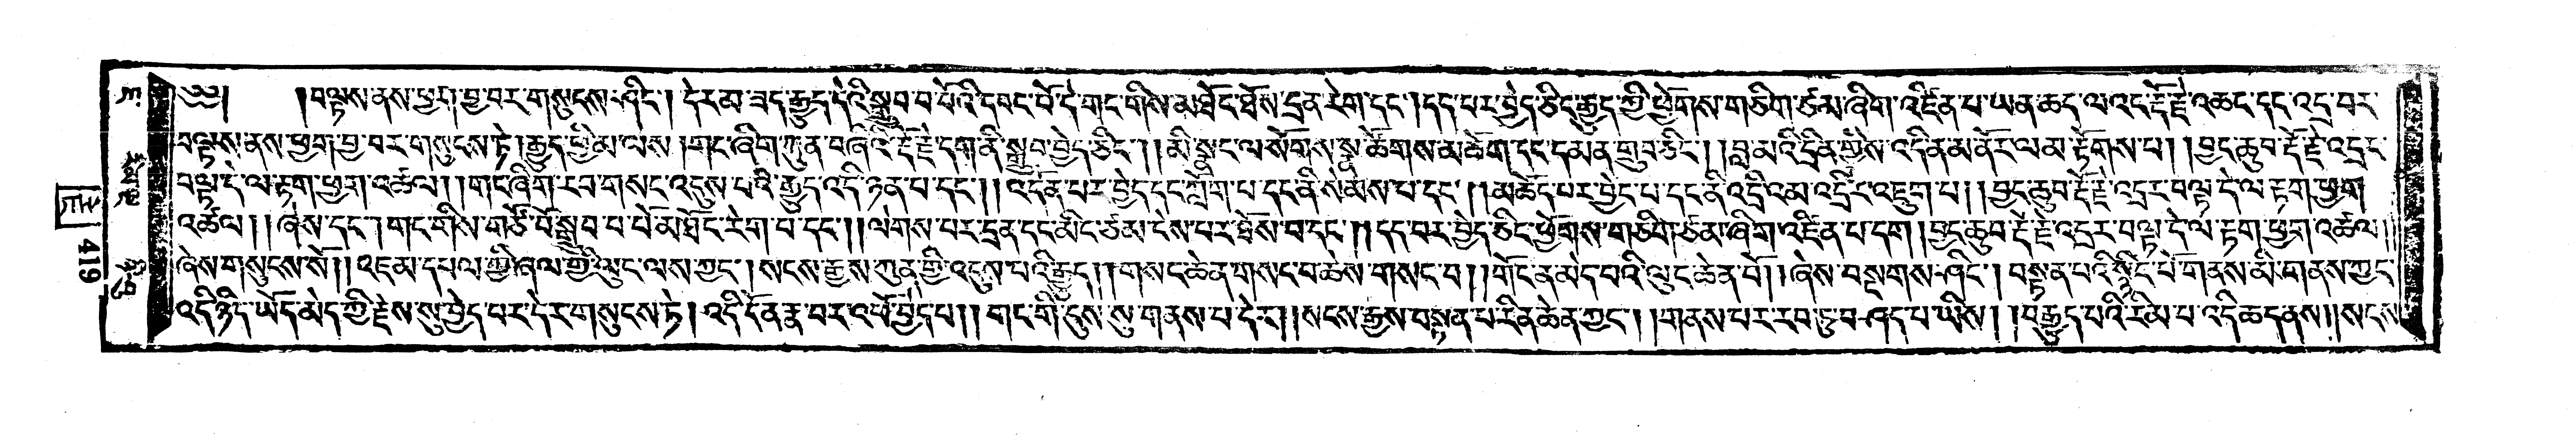༄༅། །བལྟས་ནས་ཕྱག་བྱ་བར་གསུངས་ཤིང་། དེར་མ་ཟད་རྒྱུད་དེའི་སྒྲུབ་པ་པོའི་དབང་པོ་དེ་གང་གིས་མཐོང་ཐོས་དྲན་རེག་དང་། དད་པར་བྱེད་ཅིང་རྒྱུད་ཀྱི་ཕྱོགས་གཅིག་ཙམ་ཞིག་འཛིན་པ་ཡན་ཆད་ལའང་རྡོ་རྗེ་འཆང་དང་འདྲ་བར་
བལྟས་ནས་ཕྱག་བྱ་བར་གསུངས་ཏེ། རྒྱུད་ཕྱི་མ་ལས། གང་ཞིག་ཐུན་བཞིའི་རྡོ་རྗེ་དག་ནི་སྒྲུབ་བྱེད་ཅིང་། །མི་སྣང་ལ་སོགས་སྣ་ཚོགས་མཆོག་དང་དམན་གྲུབ་ཅིང་། །བླ་མའི་དྲིན་གྱིས་འདི་ན་མ་ནོར་ལམ་རྟོགས་པ། །བྱང་ཆུབ་རྡོ་རྗེ་འདྲར་
བལྟ་དེ་ལ་རྟག་ཕྱག་འཚལ། །གང་ཞིག་རབ་གསང་འདུས་པའི་རྒྱུད་འདི་ཉན་པ་དང་། །འདོན་པར་བྱེད་དང་ཀློག་པ་དང་ནི་སེམས་པ་དང་། །མཆོད་པར་བྱེད་པ་དང་ནི་འདྲི་འམ་འདྲིར་འཇུག་པ། །བྱང་ཆུབ་རྡོ་རྗེ་འདྲར་བལྟ་དེ་ལ་རྟག་ཕྱག་
འཚལ། །ཞེས་དང་། གང་གིས་གཙོ་བོ་སྒྲུབ་པ་པོ་མཐོང་རེག་པ་དང་། །ལེགས་པར་དྲན་དང་མིང་ཙམ་ངེས་པར་ཐོས་པ་དང་། །དད་པར་བྱེད་ཅིང་ཕྱོགས་གཅིག་ཙམ་ཞིག་འཛིན་པ་དག །བྱང་ཆུབ་རྡོ་རྗེ་འདྲར་བལྟ་དེ་ལ་རྟག་ཕྱག་འཚལ། །
ཞེས་གསུངས་སོ། །འཇམ་དཔལ་གྱི་ཞལ་གྱི་ལུང་ལས་ཀྱང་། སངས་རྒྱས་ཀུན་གྱི་འདུས་པའི་རྒྱུད། །གསང་ཆེན་གསང་བ་ཆེས་གསང་བ། །གོང་ན་མེད་པའི་ལུང་ཆེན་པོ། །ཞེས་བསྔགས་ཤིང་། བསྟན་པའི་སྙིང་པོ་གནས་མི་གནས་ཀྱང་
འདི་ཉིད་ཡོད་མེད་ཀྱི་རྗེས་སུ་བྱེད་པར་དེར་གསུངས་ཏེ། འདི་དོན་རྣ་བར་འཕོ་བྱེད་པ། །གང་གི་དུས་སུ་གནས་པ་དེར། །སངས་རྒྱས་བསྟན་པ་རིན་ཆེན་ཀྱང་། །གནས་པར་རབ་ཏུ་བཤད་པ་ཡིས། །བརྒྱུད་པའི་རིམ་པ་འདི་ཆད་ནས། །སངས་